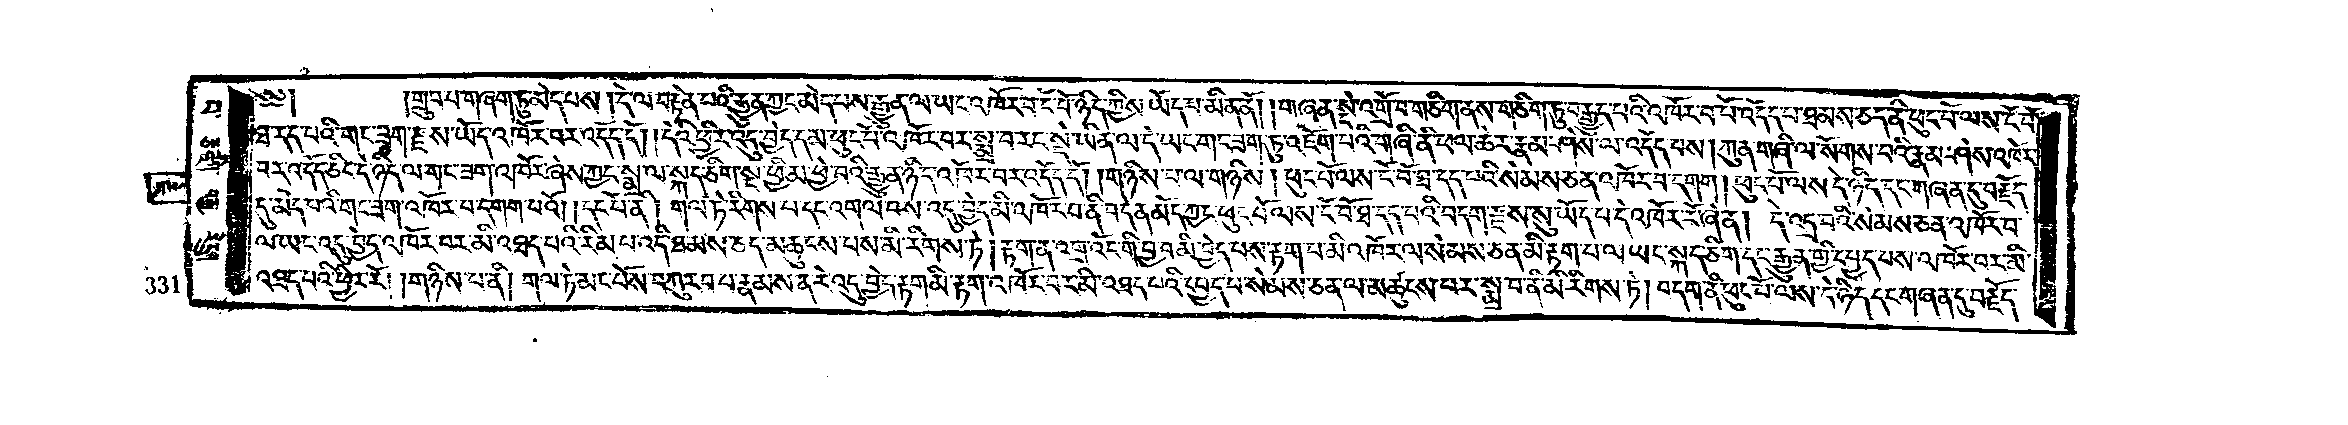༄༅། །གྲུབ་པ་གཞག་ཏུ་མེད་པས་།དེ་ལ་བརྟེན་པའི་རྒྱུན་ཀྱང་མེད་པས་རྒྱུན་ལ་ཡང་འཁོར་བ་ངོ་བོ་ཉིད་ཀྱིས་ཡོད་པ་མིན་ནོ། །གཞན་སྡེ་འགྲོ་བ་གཅིག་ནས་གཅིག་ཏུ་བརྒྱུད་པའི་འཁོར་པ་པོ་འདོད་པ་ཐམས་ཅད་ནི་ཕུང་པོ་ལས་ངོ་བོ་
ཐ་དད་པའི་གང་ཟག་རྫས་ཡོད་འཁོར་བར་འདོད་དོ། །དེའི་ཕྱིར་འདུ་བྱེད་དམ་ཕུང་པོ་འཁོར་བར་སྨྲ་བ་རང་སྡེ་ཡིན་ལ་དེ་ཡང་གང་ཟག་ཏུ་འཇིག་པའི་གཞི་ནི་ཕལ་ཆེར་རྣམ་ཤེས་ལ་འདོད་པས། ཀུན་གཞི་ལ་སོགས་པའི་རྣམ་ཤེས་འཁོར་
པར་འདོད་ཅིང་དེ་ཉིད་ལ་གང་ཟག་འཁོར་ཞེས་ཀྱང་སྨྲ་ལ་སྐད་ཅིག་སྔ་ཕྱི་མ་ཕྱེ་བའི་རྒྱུན་ཉིད་འཁོར་བར་འདོད་དོ། །གཉིས་པ་ལ་གཉིས་།ཕུང་པོ་ལས་ངོ་བོ་ཐ་དད་པའི་སེམས་ཅན་འཁོར་བ་དགག །ཕུང་པོ་ལས་ད་ཉིད་དང་གཞན་དུ་བརྗོད་
དུ་མེད་པའི་གང་ཟག་འཁོར་བ་དགག་པའོ། །དང་པོ་ནི། གལ་ཏེ་རིགས་པ་དང་འགལ་བས་འདུ་བྱེད་མི་འཁོར་བ་ནི་བདེན་མོད་ཀྱང་ཕུང་པོ་ལས་ངོ་བོ་ཐ་དད་པའི་བདག་རྫས་སུ་ཡོད་པ་དེ་འཁོར་རོ་ཞེ་ན། ད་འདྲ་བའི་སེམས་ཅན་འཁོར་བ་
ལ་ཡང་འདུ་བྱེད་འཁོར་བར་མི་འཐད་པའི་རིམ་པ་འདི་ཐམས་ཅད་མཚུངས་པས་མི་རིགས་ཏེ། རྟག་ན་འགྲ་འོང་གི་བྱ་བ་མི་བྱེད་པས་རྟག་པ་མི་འཁོར་ལ་སེམས་ཅན་མི་རྟག་པ་ལ་ཡང་སྐད་ཅིག་དང་རྒྱུན་གྱི་དཔྱད་པས་འཁོར་བར་མི་
འཐད་པའི་ཕྱིར་རོ། །གཉིས་པ་ནི། གལ་ཏེ་མང་པོས་བཀུར་བ་པ་རྣམས་ན་རེ་འདུ་བྱེད་རྟག་མི་རྟག་འཁོར་བར་མི་འཐད་པའི་དཔྱད་པ་སེམས་ཅན་ལ་མཚུངས་པར་སྨྲ་བ་ནི་མི་རིགས་ཏེ། བདག་ནི་ཕུང་པོ་ལས་དེ་ཉིད་དང་གཞན་དུ་བརྗད་